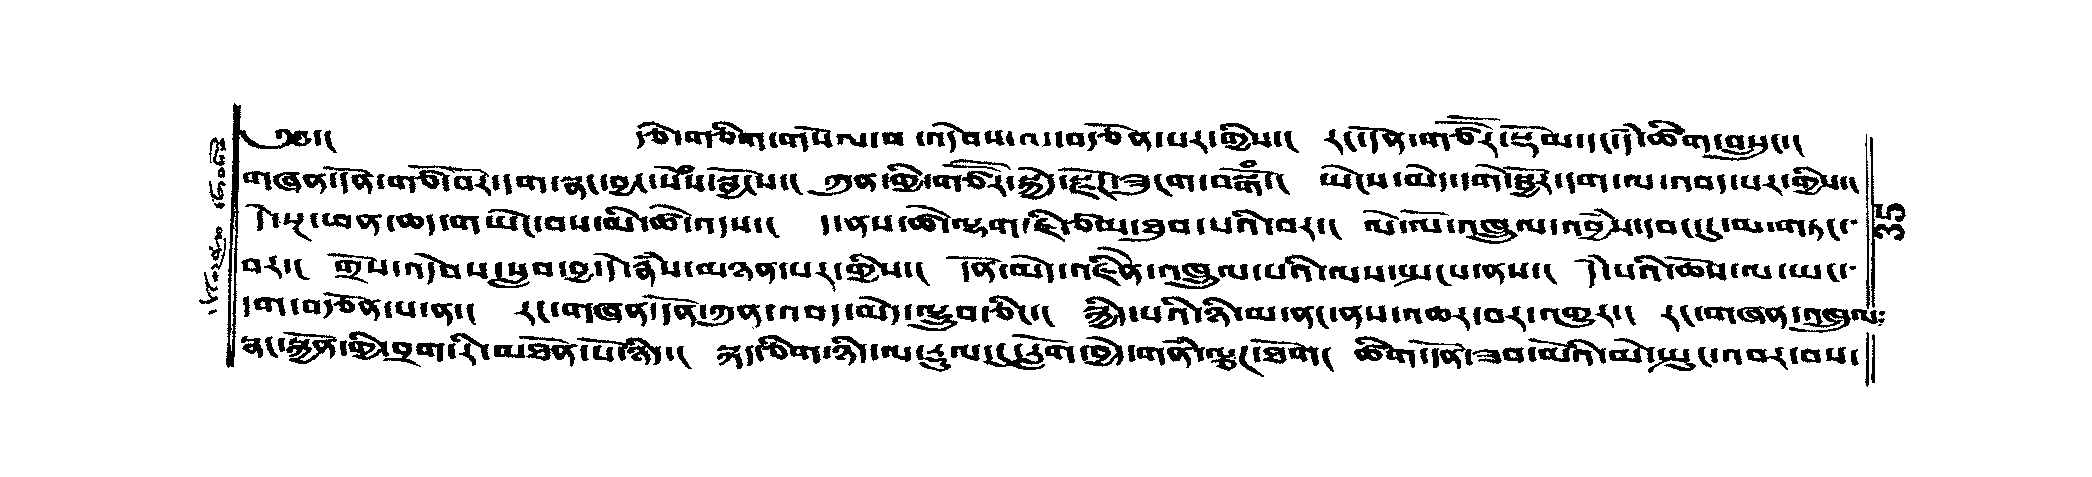།རྩེ་གཅིག་གསོལ་བ་འདེབས་ལ་བརྩོན་པར་གྱིས། །རང་དོན་གཙོ་བོ་སྡོམ་དང་དམ་ཚིག་བསྲུང་། །
གཞན་དོན་གཙོ་བོར་དག་སྣང་བྱང་སེམས་སྦྱོངས། །ཀུན་གྱི་གཙོ་བོར་བསྐྱེད་རྫོགས་ཟུང་འཇུག་བསྒོམ། །ཡེངས་མེད་དགེ་སྦྱོར་དག་ལ་འབད་པར་གྱིས། །
དེ་སྔ་ཕན་ཆད་གཡེང་བས་མི་ཆེད་འདས། །ད་ནས་ཚེ་ལྷག་ཇི་ཙམ་ཐུབ་པའི་བར། །ལེ་ལོ་འཁྲུལ་འབྱམས་དབང་དུ་མ་གཏང་
བར། །གྲོས་འདེབས་བསླབ་བྱ་དེ་རྣམས་མཉན་པར་གྱིས། །དོན་མེད་འཇིག་རྟེན་འཁྲུལ་བའི་ལས་སྤངས་ནས། །དམ་པའི་ཆོས་ལ་ཡང་
དག་བརྩོན་པ་ན། །རང་གཞན་དོན་ཀུན་འབད་མེད་ལྷུན་གྲུབ་ཅིང་། །སྐྱིད་པའི་ཉི་མ་ནང་ནས་འཆར་བར་འགྱུར། །རང་གཞན་འཁྲུལ་
སྣང་སྐྱོན་གྱི་བྲག་རི་མཐོན་པོ་ཉིད། །སྐད་ཅིག་ཉིད་ལ་རྡུལ་དུ་རློག་བྱེད་གནམ་ལྕགས་ཐོག །ཚིག་དོན་ཟབ་མོའི་མེ་སྤུང་འབར་བས་